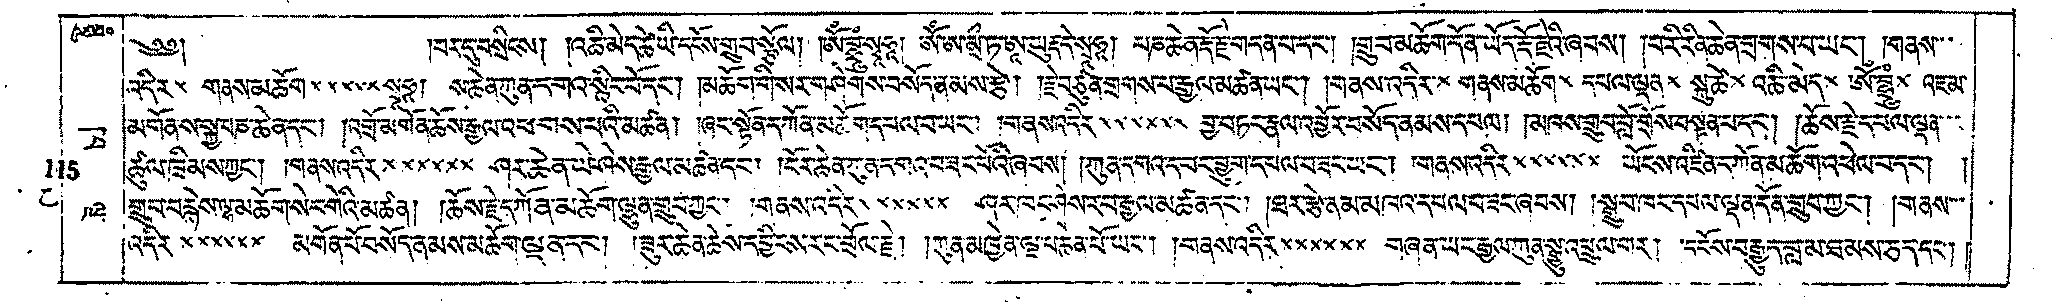༄༅། །བར་དུ་བསྲིངས། །འཆི་མེད་ཚེ་ཡི་དངོས་གྲུབ་སྩོལ། །ཨོཾ་བྷྲཱུཾ་སྭཱཧཱ། ཨོཾ་ཨ་མྲྀ་ཏ་ཨཱ་ཡུརྡ་དེ་སྭཱཧཱ། པཎ་ཆེན་རྡོ་རྗེ་གདན་པ་དང་། །གྲུབ་མཆོག་དོན་ཡོད་རྡོ་རྗེའི་ཞབས། །བ་རི་རིན་ཆེན་གྲགས་པ་ཡང་། །གནས་་་
འདིར་྾་གནས་མཆོག་྾྾྾་སྭཱཧཱ། ས་ཆེན་ཀུན་དགའ་སྙིང་པོ་དང་། །མཆོག་གི་སར་གཤེགས་བསོད་ནམས་རྩེ། །རྗེ་བཙུན་གྲགས་པ་རྒྱལ་མཚན་ཡང་། །གནས་འདིར་྾་གནས་མཆོག་྾་དཔལ་ལྡན་྾་སྐུ་ཚེ་྾་འཆི་མེད་྾་ཨོཾ་བྷྲཱུཾ་྾་འཇམ་
མགོན་ས་སྐྱ་པཎ་ཆེན་དང་། །འགྲོ་མགོན་ཆོས་རྒྱལ་འཕགས་པའི་མཚན། །ཞང་སྟོན་དཀོན་མཆོག་དཔལ་བ་ཡང་། །གནས་འདིར་྾྾྾་བྱ་བཏང་རྣལ་འབྱོར་བསོད་ནམས་དཔལ། །མཁས་གྲུབ་བློ་གྲོས་བསྟན་པ་དང་། །ཆོས་རྗེ་དཔལ་ལྡན་་་
ཚུལ་ཁྲིམས་ཀྱང་། །གནས་འདིར་྾྾྾་ཤར་ཆེན་ཡེ་ཤེས་རྒྱལ་མཚན་དང་། །ངོར་ཆེན་ཀུན་དགའ་བཟང་པོའི་ཞབས། །ཀུན་དགའ་དབང་ཕྱུག་དཔལ་བཟང་ཡང་། །གནས་འདིར་྾྾྾་ཡོངས་འཛིན་དཀོན་མཆོག་འཕེལ་བ་དང་། །
གྲུབ་བརྙེས་ལྷ་མཆོག་སེང་གེའི་མཚན། །ཆོས་རྗེ་དཀོན་མཆོག་ལྷུན་གྲུབ་ཀྱང་། །གནས་འདིར་྾྾྾་ཤར་ཁང་ཤེས་རབ་རྒྱལ་མཚན་དང་། །ཐར་རྩེ་ནམ་མཁའ་དཔལ་བཟང་ཞབས། །སྒྲུབ་ཁང་དཔལ་ལྡན་དོན་གྲུབ་ཀྱང་། །གནས་་་
འདིར་྾྾྾་མགོན་པོ་བསོད་ནམས་མཆོག་ལྡན་དང་། །ཟུར་ཆེན་ཆོས་དབྱིངས་རང་གྲོལ་རྗེ། །ཀུན་མཁྱེན་ལྔ་པ་ཆེན་པོ་ཡང་། །གནས་འདིར་྾྾྾་གཞན་ཡང་རྒྱལ་ཀུན་སྒྱུ་འཕྲུལ་གར། དངོས་བརྒྱུད་བླ་མ་ཐམས་ཅད་དང་། །